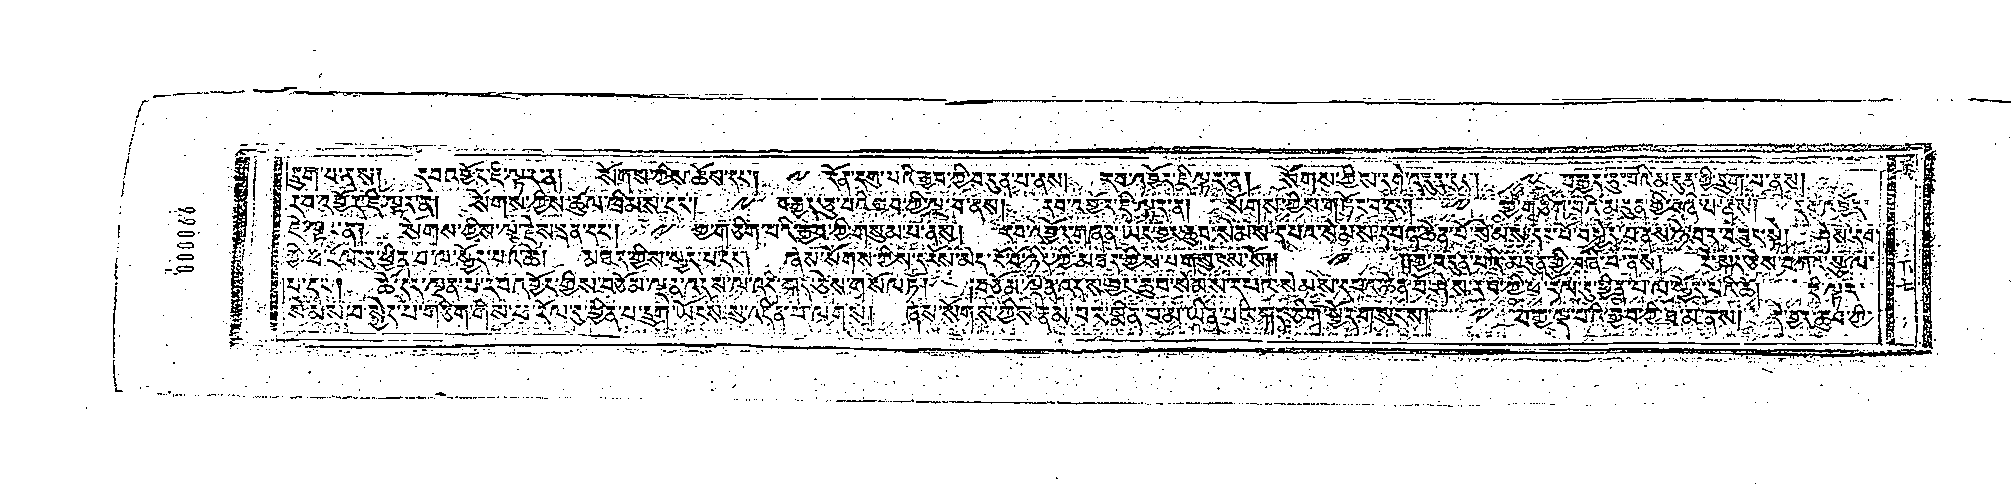དྲུག་པ་ནས། རབ་འབྱོར་ཇི་ལྟར་ན། སོགས་ཀྱིས་ཆོས་དང་། ༧་དོན་དགུ་པའི་རྒྱབ་ཀྱི་བདུན་པ་ནས། རབ་འབྱོར་ཇི་ལྟར་ན། སོགས་ཀྱིས་དགེ་འདུན་དང་། ༧་བརྒྱད་ཅུ་པའི་མདུན་གྱི་དྲུག་པ་ནས།
རབ་འབྱོར་ཇི་ལྟར་ན། སོགས་ཀྱིས་ཚུལ་ཁྲིམས་དང་། ༧་བརྒྱད་ཅུ་པའི་རྒྱབ་ཀྱི་ལྔ་པ་ནས། རབ་འབྱོར་ཇི་ལྟར་ན། སོགས་ཀྱིས་གཏོང་བ་དང་། ༧་གྱ་གཅིག་པའི་མདུན་གྱི་བཞི་པ་ནས། རབ་འབྱོར་
ཇི་ལྟར་ན། སོགས་ཀྱིས་ལྷ་རྗེས་དྲན་དང་། ༧་གྱ་གཅིག་པའི་རྒྱབ་ཀྱི་གསུམ་པ་ནས། རབ་འབྱོར་གཞན་ཡང་བྱང་ཆུབ་སེམས་དཔའ་སེམས་དཔའ་ཆེན་པོ་སེམས་དང་པོ་བསྐྱེད་པ་ནས་ཉེ་བར་བཟུང་སྟེ། ཤེས་རབ་
ཀྱི་ཕ་རོལ་དུ་ཕྱིན་པ་ལ་སྤྱོད་པའི་ཚེ། མཐར་གྱིས་སྤྱད་པ་དང་། ཞེས་སོགས་ཀྱིས་དངོས་མེད་ངོ་བོ་ཉིད་ཀྱི་མཐར་གྱིས་པ་གསུངས་སོ།། ༧་།།བརྒྱ་བདུན་པའི་མདུན་གྱི་བཞི་པ་ནས། དེ་སྐད་ཅེས་བཀའ་སྩལ་
པ་དང་། ཚེ་དང་ལྡན་པ་རབ་འབྱོར་གྱིས་བཅོམ་ལྡན་འདས་ལ་འདི་སྐད་ཅེས་གསོལ་ཏོ། །བཅོམ་ལྡན་འདས་བྱང་ཆུབ་སེམས་དཔའ་སེམས་དཔའ་ཆེན་པོ་ཤེས་རབ་ཀྱི་ཕ་རོལ་དུ་ཕྱིན་པ་ལ་སྤྱོད་པའི་ཚེ། ཇི་ལྟར་
སེམས་བསྐྱེད་པ་གཅིག་གིས་ཕ་རོལ་དུ་ཕྱིན་པ་དྲུག་ཡོངས་སུ་འཛིན་པ་ལགས། ཞེས་སོགས་ཀྱིས་རྣམ་པར་སྨིན་པ་མ་ཡིན་པའི་སྐད་ཅིག་སྦྱོར་གསུངས། ༧་བརྒྱ་ལྔ་པའི་རྒྱབ་ཀྱི་ཐ་མ་ནས། དེ་བྱང་ཆུབ་ཀྱི་